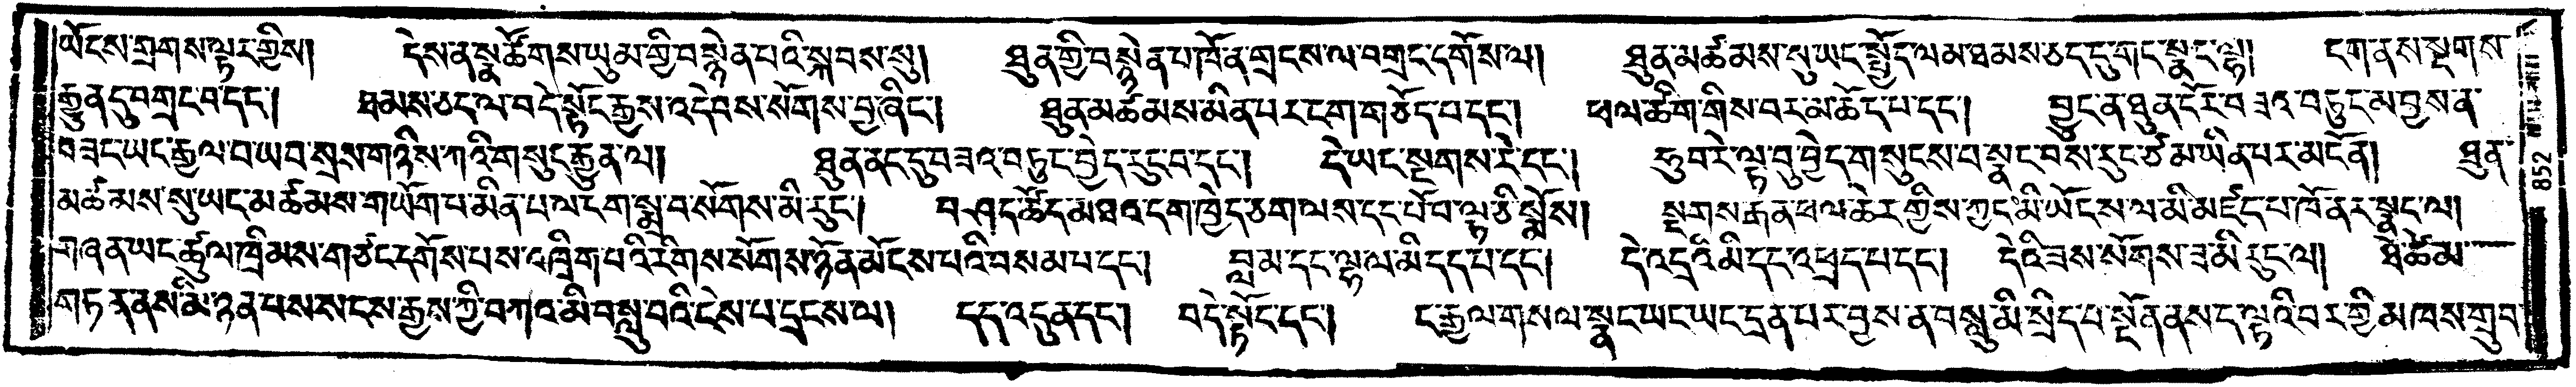ཡོངས་གྲགས་ལྟར་གྱིས། དེས་ན་སྣ་ཚོགས་ཡུམ་གྱི་བསྙེན་པའི་སྐབས་སུ། ཐུན་གྱི་བསྙེན་པ་ཁོ་ན་གྲངས་ལ་བགྲང་དགོས་ལ། ཐུན་མཚམས་སུ་ཡང་སྤྱོད་ལམ་ཐམས་ཅད་དུ་གང་སྣང་ལྷ། ངག་ནས་སྔགས་
རྒྱུན་དུ་བགྲང་བ་དང་། ཐམས་ཅད་ལ་བདེ་སྟོང་རྒྱས་འདེབས་སོགས་བྱ་ཞིང་། ཐུན་མཚམས་མིན་པར་ངག་གཅོད་པ་དང་། ཕལ་ཚིག་གིས་བར་མཆོད་པ་དང་། བྱུང་ན་ཐུན་ངོར་བཟའ་བཏུང་མ་བྱས་ན་
བཟང་ཡང་རྒྱལ་བ་ཡབ་སྲས་གཉིས་ཀའི་གསུང་རྒྱུན་ལ། ཐུན་ནང་དུ་བཟའ་བཏུང་བྱེད་རུང་བ་དང་། དེ་ཡང་སྔགས་རེ་དང་། ཧུ་བ་རེ་ལྟ་བུ་བྱེད་གསུངས་པ་སྣང་བས་རུང་ཙམ་ཡིན་པར་མངོན། ཐུན་
མཚམས་སུ་ཡང་མཚམས་གཡོག་པ་མིན་པ་ལ་ངག་སྨྲ་བ་སོགས་མི་རུང་། བཤད་ཚོད་མཐའ་དག་ཁྱེད་ཅག་ལས་དང་པོ་པ་ལྟ་ཅི་སྨོས། སྔགས་རྒན་ཕལ་ཆེར་གྱིས་ཀྱང་མི་ཡོངས་ལ་མི་མཛད་པ་ཁོ་ནར་སྣང་ལ།
གཞན་ཡང་ཚུལ་ཁྲིམས་གཙང་དགོས་པས་འཁྲིག་པའི་རིགས་སོགས་ཉོན་མོངས་པའི་བསམ་པ་དང་། བླ་མ་དང་ལྷ་ལ་མི་དད་པ་དང་། དེ་འདྲའི་མི་དང་འཕྲད་པ་དང་། དེའི་ཟས་སོགས་ཟ་མི་རུང་ལ། ཐེ་ཚོམ་
གཏན་ནས་མི་ཉན་པས་སངས་རྒྱས་ཀྱི་བཀའ་མི་བསླུ་བའི་ངེས་པ་དྲངས་ལ། དད་འདུན་དང་། བདེ་སྟོང་དང་། ང་རྒྱལ་གསལ་སྣང་ཡང་ཡང་དྲན་པར་བྱས་ན་བསླུ་མི་སྲིད་པ་སྔོན་ནས་ད་ལྟའི་བར་གྱི་མཁས་གྲུབ་